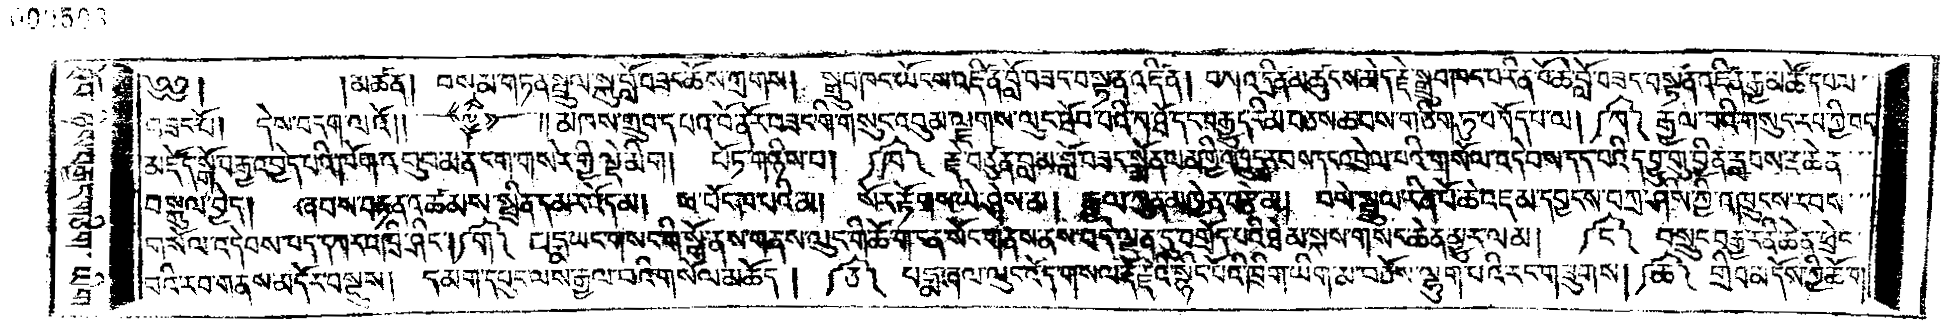༄༅། །མཚན། བསམ་གཏན་སྤྲུལ་སྐུ་བློ་བཟང་ཆོས་གྲགས། སྒྲུབ་ཁང་ཡོངས་འཛིན་བློ་བཟང་བསྟན་འཛིན། བཀའ་དྲིན་མཚུངས་མེད་རྗེ་སྒྲུབ་ཁང་པ་རིན་པོ་ཆེ་བློ་བཟང་བསྟན་འཛིན་རྒྱ་མཚོ་དཔལ་
བཟང་པོ། དེས་བདག་ལའོ།། ༈ །།མཁས་གྲུབ་དཔའ་བོ་ནོར་བཟང་གི་གསུང་འབུམ་ལྗགས་ལུང་ཐོབ་པའི་ཀ་ཐོ་དང་བརྒྱུད་རིམ་བཅས་ཆབས་གཅིག་ཏུ་བཀོད་པ་ལ། ༼ཀ༽ རྒྱལ་བའི་གསུང་རབ་ཀྱི་བང་
མཛོད་སྒོ་བརྒྱ་འབྱེད་པའི་ཁོག་འགྲུབ་མན་ངག་གསེར་གྱི་ལྡེ་མིག། པོད་གཉིས་པ ༼ཁ༽ རྗེ་བཙུན་བླ་མ་བློ་བཟང་སྨོན་ལམ་གྱི་འཁྲུངས་རབས་དང་འབྲེལ་པའི་གསོལ་འདེབས་དད་པའི་དབྱུ་གུ་བྱིན་རླབས་རྔ་ཆེན་
བསྐུལ་བྱེད། ཞབས་བརྟན་འཚམས་སྤྲིན་དམར་འོད་མ། ཕ་བོང་ཁ་པའི་མ། སོར་རྟོགས་ཡེ་ཤེས་མ། རྒྱལ་ཀུན་མཁྱེན་བརྩེ་མ། བསེ་སྦྲུལ་རིན་པོ་ཆེ་འཇམ་དབྱངས་བཀྲ་ཤིས་ཀྱི་འཁྲུངས་རབས་
གསོལ་འདེབས་པད་དཀར་འཁྲི་ཤིང་། ༼ག༽ པདམ་ཡང་གསང་གི་སྒོ་ནས་གནས་ལུང་གི་ཆོ་ག་ངན་སོང་གནས་ནས་བདེ་ལྡན་དུ་བགྲོད་པའི་ཐེམ་སྐས་གསང་ཆེན་མྱུར་ལམ། ༼ང༽ བསྲུང་བརྒྱ་རིན་ཆེན་ཕྲེང་
བའི་རབ་གནས་མདོར་བསྡུས། དམག་དཔུང་ལས་རྒྱལ་བའི་གསོལ་མཆོད། ༼ཅ༽ པདམ་ཞལ་ལུང་འོད་གསལ་རྡོ་རྗེའི་སྙིང་པོའི་ཁྲིག་ཡིག་མ་བཅོས་ལྷུག་པའི་རང་གཟུགས། ༼ཆ༽ གྲིབ་མདོས་ཀྱི་ཆོ་ག་